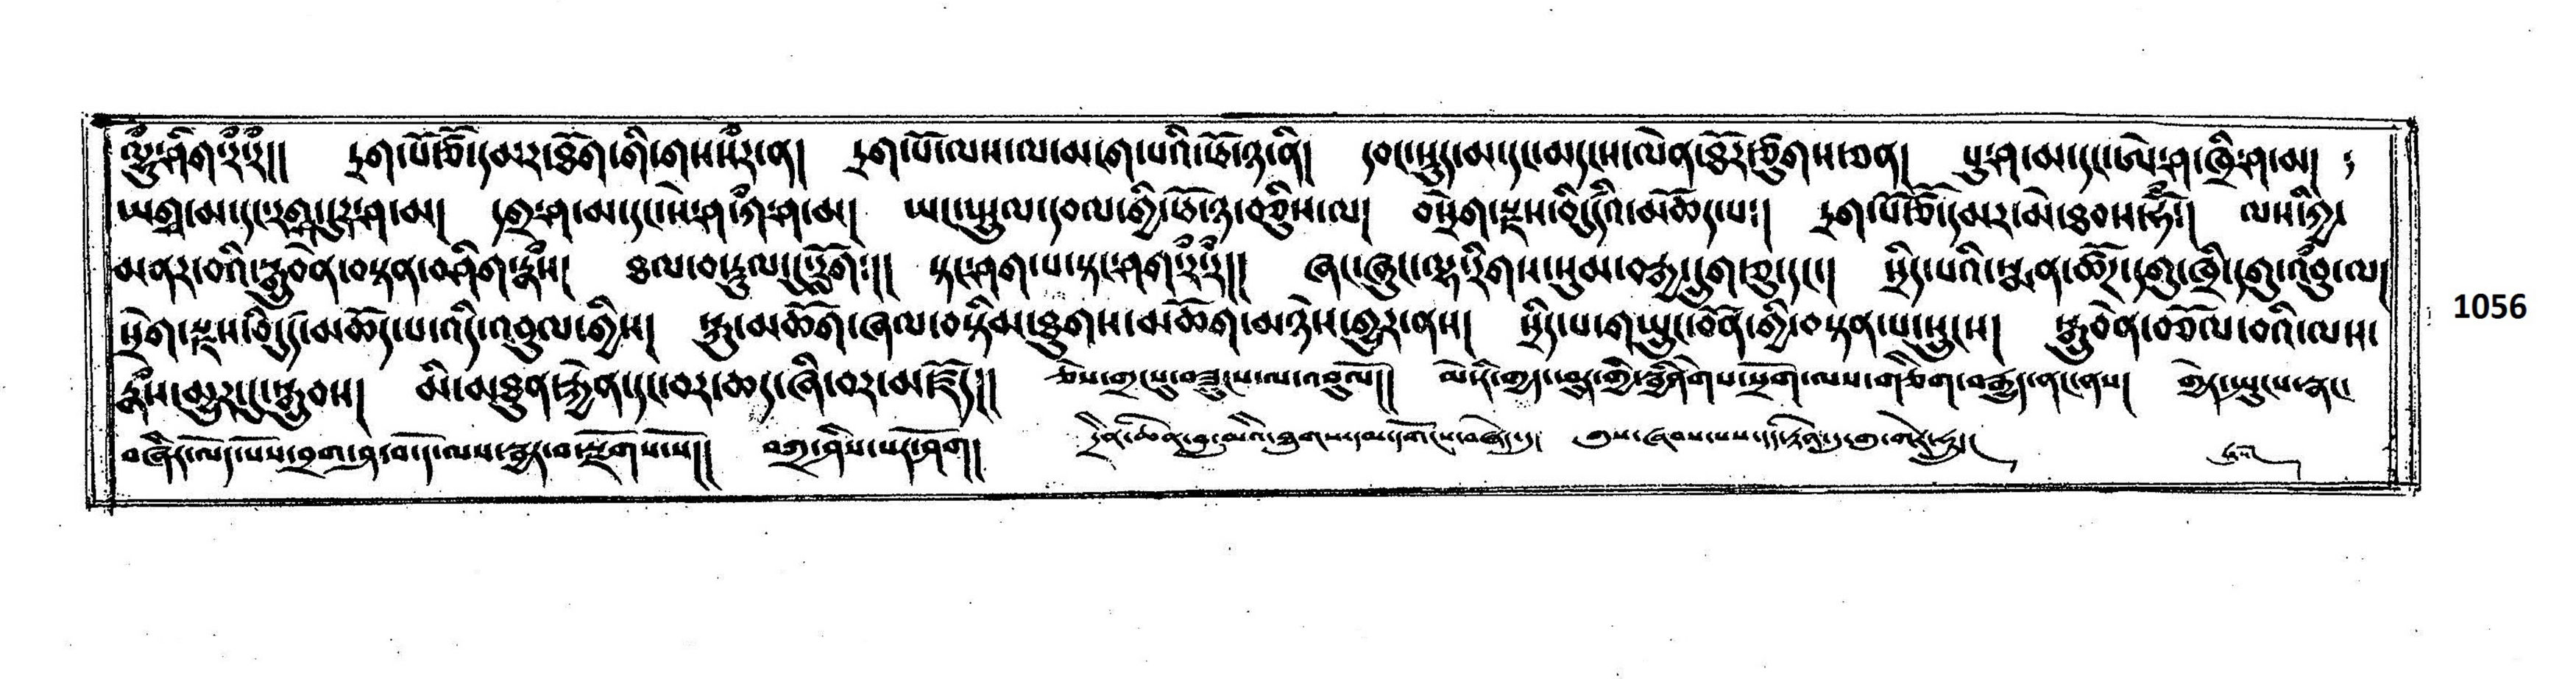ལྷུམ་ཤིག་རཾ་རཾ།། དྲག་པོ་ཙོ་དམར་ཐོག་གི་གསས་མཁར་ན། དྲག་པོ་ལས་ལ་མངག་པའི་ཕོ་ཉ་ནི། དབང་སྡུད་མ་དང་མདངས་ལེན་ཐོར་ཙུགས་ཅན། པུ་ཤ་མ་དང་ཨེ་ཤ་ཁྲི་ཤ་མ། 
ཡགྴ་མ་དང་རགྴ་ངུར་ཤ་མ། དགྲ་ཤ་མ་དང་སེ་ཤ་ཀཾ་ཤ་མ། ཡང་སྤྲུལ་དབལ་གྱི་ཕོ་ཉ་བཅུ་གཉིས་ལ། བསྲེག་རྫས་བདུད་རྩིའི་མཆོད་པ༴། དྲག་པོ་ཙོ་དམར་མེ་ཐབས་ཧོཾ༴། ལས་ཀྱི་
མནར་བའི་སྒྲུབ་གཤེན་བསྟན་བཤིག་རྣམས། ཐལ་བ་རྡུལ་དུ་རློག༴།། སྟང་ཤག་པ་སྟང་ཤག་རཾ་རཾ།། ཞང་ཞུང་ལྷ་རིགས་སུམ་བརྒྱ་དྲུག་ཅུ་དང་། སྲིད་པའི་སྨན་ཚོགས་དགུ་ཁྲི་དགུ་འབུམ་ལ། 
སྲེག་རྫས་བདུད་རྩི་མཆོད་པ་འདི་འབུལ་གྱིས། སྐུ་མཆོག་ཞལ་བསྟིམ་ཐུགས་མཆོག་མཉེས་གྱུར་ནས། སྲིད་པ་གཡུང་དྲུང་བོན་གྱི་བསྟན་པ་སྲུངས། སྒྲུབ་གཤེན་བཅོལ་བའི་ལས་
རྣམས་མྱུར་དུ་སྒྲུབས། མི་མཐུན་རྐྱེན་དང་བར་ཆད་ཞི་བར་མཛོད།། ཅེས་གྲངས་སུ་བཟུངས་ལ་འབུལ་ལོ།། མེ་རི་གྱད་ཕུར་གྱི་སྦྱིན་སྲེག་སྲོག་ལས་གཅིག་བརྒྱུད་ནང་ནས། གྱེར་སྤུངས་སྣང་
བཞིར་ལོད་པོས་བྲག་ཤ་བ་དོ་ལས་སྦྱར་བ་རྫོགས་སོ།། བཀྲ་ཤིས་པར་ཤོག དྲིན་ཆེན་བླ་མའི་ཐུགས་དམ་དགོངས་བཞེད་དུ། གུས་ཞབས་པས་དད་རྟེན་དུ་གུ་གེར་ཧྲུད།